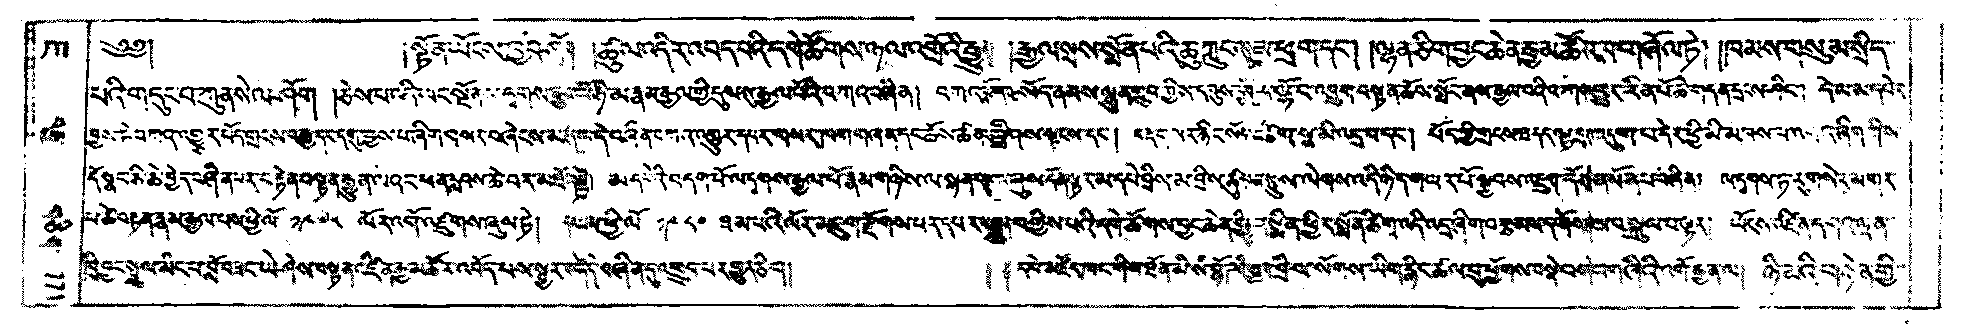༄༅། །སྟོན་ཡོངས་ཁྱབ་ཤོག །ཚུལ་འདིར་འབད་པའི་དགེ་ཚོགས་ཉལ་འགྲོའི་རྒྱུན། །རྒྱལ་སྲས་སྨོན་པའི་ཆུ་ཀླུང་འབུམ་ཕྲག་དང་། །ལྷན་ཅིག་བྱང་ཆེན་རྒྱ་མཚོར་རབ་གཞོལ་ཏེ། །ཁམས་གསུམ་སྲིད་
པའི་གདུང་བ་ཀུན་སེལ་ཤོག །ཅེས་པ་འདི་ཡང་སྔོན་ལ་དྭགས་རྒྱལ་པོ་ཉི་མ་རྣམ་རྒྱལ་གྱི་དུས་སུ་རྒྱལ་པོའི་བཀའ་བཞིན། བཀའ་བློན་བསོད་ནམས྾་ལྷུན་གྲུབ་ཀྱིས་དབུས་ཕྱོགས་ལྷོ་བ་འབྲུག་བསྟན་ཆོས་སློང་ནས་རྒྱལ་བའི་བཀའ་འགྱུར་རིན་པོ་ཆེ་གདན་དྲངས་ཤིང་། དེ་ལ་མ་དཔེར་
བྱས་ཏེ་བཀའ་འགྱུར་པོད་གྲངས་བརྒྱ་དང་དགུ་བྱས་པ་ཞིག་གསར་བཞེངས་མཛད་པ་དེ་བཞིན་བཀའ་འགྱུར་དཔར་གསར་ཁག་གཞན་དང་ཆོས་ཚན་བསྒྲིགས་སྟངས་དང་། བརྡ་གསར་རྙིང་སོགས་ཚིག་སྣ་མི་འདྲ་བ་དང་། པོད་ཀྱི་གྲངས་ཐ་དད་ལྟ་བུར་འདུག་པ་དེར་ཕྱི་མི་མཁས་པ་འགའ་ཞིག་གིས་
དོ་སྣང་ཅི་ཆེ་བྱེད་བཞིན་པར་བརྟེན་བསྟན་རྒྱུན་ལའང་ཕན་རླབས་ཆེ་བར་མཐོང་སྟེ། མ་དཔེའི་བདག་པོ་ལ་དྭགས་རྒྱལ་པོ་རྣམ་གཉིས་ལ་སྙན་བསྐུལ་ཞུས་དོན་ལྟར་མ་དཔེ་བྲིས་མ་བྲིས་ཚུགས་སྤུས་ལེགས་འདི་ཉིད་གཡར་པོ་སྐྱབས་འཇུག་དོན་སྨིན་སོན་པ་བཞིན། ལ་དྭགས་ཏ་རུ་གསེར་མགར་
པ་ཚེ་བརྟན་རྣམ་རྒྱལ་པས་ཕྱི་ལོ ༡༩༧༥་ལོར་འགོ་འཛུགས་ཞུས་ཏེ། ད་ལམ་ཕྱི་ལོ ༡༩༨༠་ཐམ་པའི་ལོར་མཇུག་རྫོགས་པར་དཔར་བསྐྲུན་བགྱིས་པའི་དགེ་ཚོགས་བྱང་ཆེན་གྱི་རྒྱུར་སྨིན་ཕྱིར་སྨོན་ཚིག་འདི་འདྲ་ཞིག་བརྩམས་དགོས་ཞེས་བསྐུལ་བ་ལྟར། ཡོངས་འཛིན་དགའ་ལྡན་
ཁྲི་བྱང་སྤྲུལ་མིང་པ་བློ་བཟང་ཡེ་ཤེས་བསྟན་འཛིན་རྒྱ་མཚོར་འབོད་པས་སྦྱར་བ་དེ་དེ་བཞིན་དུ་འགྲུབ་པར་གྱུར་ཅིག ། །།༈ དཔེ་མཛོད་ཁང་གིས་ཐོན་མི་སཾ་བྷོ་ཌའི་ཕྱག་བྲིས་སོགས་ཡིག་རྙིང་ཚལ་བུ་ཕྱོགས་བསྡེབས་དེབ་གཞིའི་འགོ་རྒྱན་ལ། ཉི་མའི་གཉེན་གྱི་